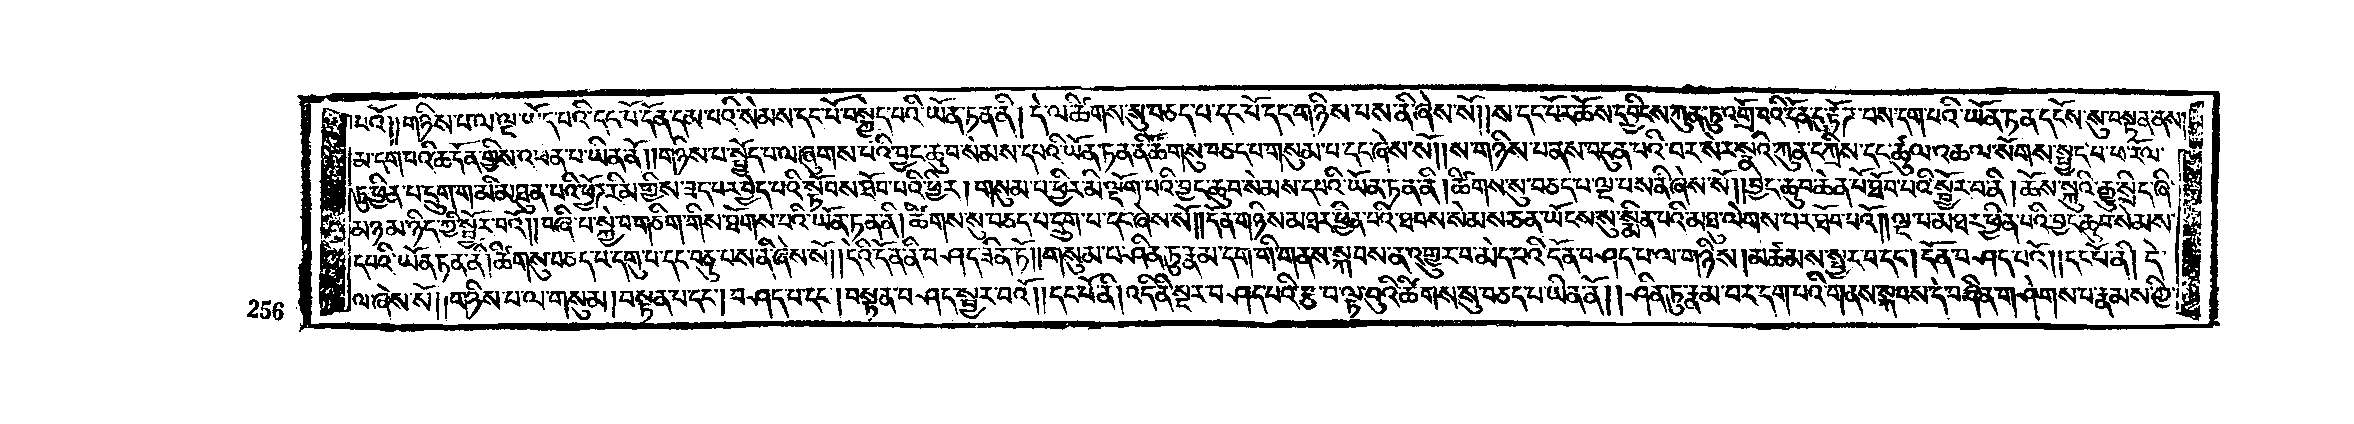པའོ༑ ༑གཉིས་པ་ལ་ལྔ་ཡོད་པའི་དང་པོ་དོན་དམ་པའི་སེམས་དང་པོ་བསྐྱེད་པའི་ཡོན་ཏན་ནི། དེ་ལ་ཚིགས་སུ་བཅད་པ་དང་པོ་དང་གཉིས་པས་ནི་ཞེས་སོ། །ས་དང་པོར་ཆོས་དབྱིངས་ཀུན་ཏུ་འགྲོ་བའི་དོན་དུ་རྟོགས་པས་དག་པའི་ཡོན་ཏན་དངོས་སུ་བསྟན་ནས་
མ་དག་པའི་ཆ་དོན་གྱིས་འཕན་པ་ཡིན་ནོ། །གཉིས་པ་སྤྱོད་པ་ལ་ཞུགས་པའི་བྱང་ཆུབ་སེམས་དཔའི་ཡོན་ཏན་ནི་ཚིགས་སུ་བཅད་པ་གསུམ་པ་དང་ཞེས་སོ། །ས་གཉིས་པ་ནས་བདུན་པའི་བར་སེར་སྣའི་ཀུན་དཀྲིས་དང་ཚུལ་འཆལ་སོགས་སྤྱད་པ་ཕ་རོལ་
ཏུ་ཕྱིན་པ་དྲུག་ག་མི་མཐུན་པའི་ཕྱོགས་རིམ་གྱིས་ཟད་པར་བྱེད་པའི་སྟོབས་ཐོབ་པའི་ཕྱིར། གསུམ་པ་ཕྱིར་མི་ལྡོག་པའི་བྱང་ཆུབ་སེམས་དཔའི་ཡོན་ཏན་ནི། ཚིགས་སུ་བཅད་པ་ལྔ་པས་ནི་ཞེས་སོ། །བྱང་ཆུབ་ཆེན་པོ་ཐོབ་པའི་སྦྱོར་བ་ནི། ཆོས་སྐུའི་རྒྱུ་སྲིད་ཞི་
མཉམ་ཉིད་ཀྱི་སྦྱོར་བའོ། །བཞི་པ་སྐྱེ་བ་གཅིག་གིས་ཐོགས་པའི་ཡོན་ཏན་ནི། ཚིགས་སུ་བཅད་པ་དྲུག་པ་དང་ཞེས་སོ། །དོན་གཉིས་མཐར་ཕྱིན་པའི་ཐབས་སེམས་ཅན་ཡོངས་སུ་སྨིན་པའི་མཐུ་ལེགས་པར་ཐོབ་པའོ། །ལྔ་པ་མཐར་ཕྱིན་པའི་བྱང་ཆུབ་སེམས་
དཔའི་ཡོན་ཏན་ནི། ཚིགས་སུ་བཅད་པ་དགུ་པ་དང་བཅུ་པས་ནི་ཞེས་སོ། །དེའི་དོན་ནི་བཤད་ཟིན་ཏོ། །གསུམ་པ་ཤིན་ཏུ་རྣམ་དག་གི་གནས་སྐབས་ན་འགྱུར་བ་མེད་པའི་དོན་བཤད་པ་ལ་གཉིས། མཚམས་སྦྱར་བ་དང་། དོན་བཤད་པའོ། །དང་པོ་ནི། དེ་
ལ་ཞེས་སོ། །གཉིས་པ་ལ་གསུམ། བསྟན་པ་དང་། བཤད་པ་དང་། བསྟན་པ་ཤད་སྦྱར་བའོ། །དང་པོ་ནི། འདི་ནི་སྔར་བཤད་པའི་རྩ་བ་ལྟ་བུའི་ཚིགས་སུ་བཅད་པ་ཡིན་ནོ། །ཤིན་ཏུ་རྣམ་པར་དག་པའི་གནས་སྐབས་དེ་བཞིན་གཤེགས་པ་རྣམས་ཀྱི་